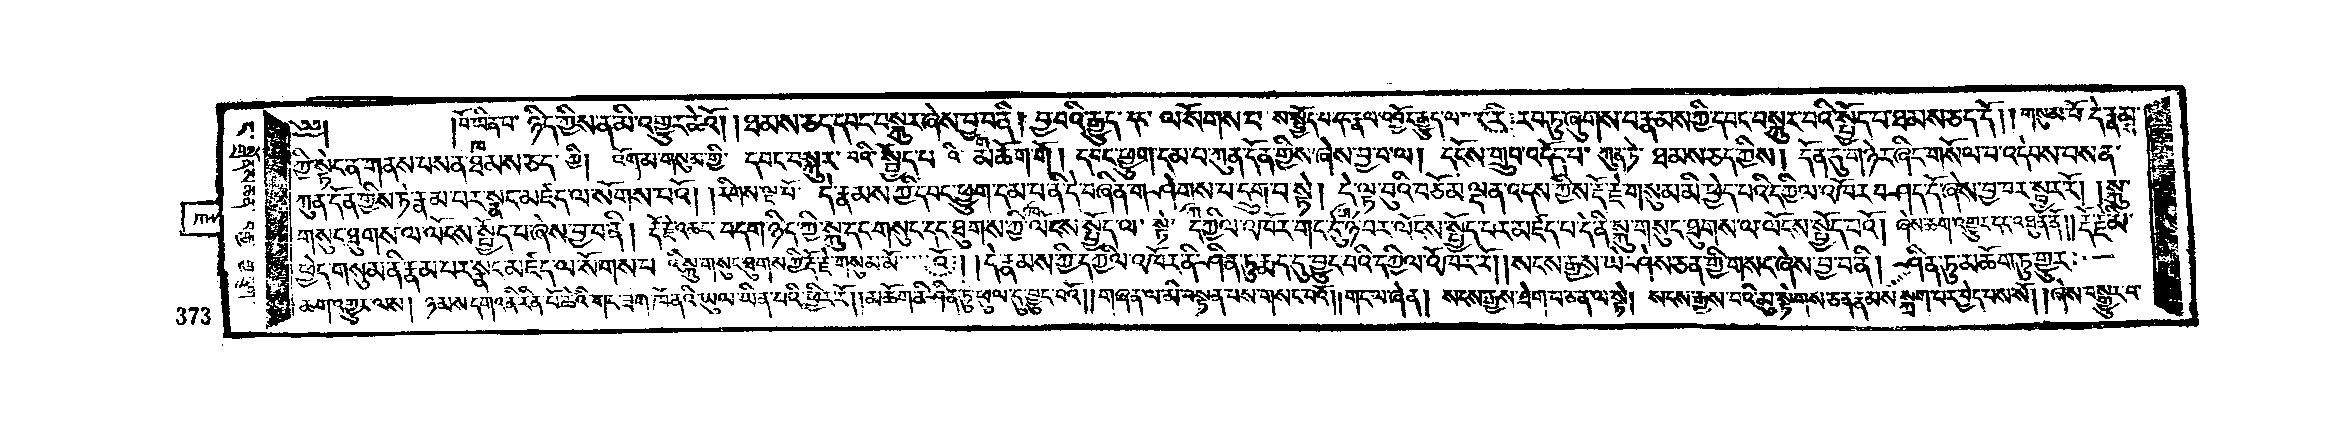༄༅། ། པོ་ཡིན་པ་ཉིད་ཀྱིས་ན་མི་འགྱུར་ཆེའོ། །ཐམས་ཅད་དབང་བསྐུར་ཞེས་བྱ་བ་ནི། བྱ་བའི་རྒྱུད་དང་ལ་སོགས་པས་སྤྱོད་པ་དང་རྣལ་འབྱོར་རྒྱུད་ལ་རི་རབ་ཏུ་ཞུགས་པ་རྣམས་ཀྱི་དབང་བསྐུར་བའི་སྤྱོད་པ་ཐམས་ཅད་དོ། ། གསུམ་པོ་དེ་རྣམས་
ཀྱི་སྟེང་ན་གནས་པས་ན་ཁ་ཐམས་ཅད་ཀྱི། ཀ་འོག་མ་གསུམ་གྱི་དབང་བསྐུར་བའི་སྤྱོད་པའི་ག་མཆོག་གོ །དབང་ཕྱུག་དམ་པ་ཀུན་དོན་གྱིས་ཞེས་བྱ་བ་ལ། དངོས་གྲུབ་འདོད་པ་ཀུན་ཏེ་ཐམས་ཅད་ཀྱིས། དོན་དུ་གཉེར་ཞིང་གསོལ་བ་འདེབས་པས་ན་
ཀུན་དོན་གྱིས་ཏེ་རྣམ་པར་སྣང་མཛད་ལ་སོགས་པའོ། ། རིགས་ལྔ་པོ་དེ་རྣམས་ཀྱི་དབང་ཕྱུག་དམ་པ་ནི་དེ་བཞིན་གཤེགས་པ་དྲུག་པ་སྟེ། དེ་ལྟ་བུའི་བཅོམ་ལྡན་འདས་ཀྱིས་རྡོ་རྗེ་གསུམ་མི་ཕྱེད་པའི་དཀྱིལ་འཁོར་བཤད་དོ་ཞེས་བྱ་བར་སྦྱར་རོ། །སྐུ་
གསུང་ཐུགས་ལ་ལོངས་སྤྱོད་པ་ཞེས་བྱ་བ་ནི། རྡོ་རྗེ་འཆང་བདག་ཉིད་ཀྱི་སྐུ་དང་གསུང་དང་ཐུགས་ཀྱི་?ཁ་ལོངས་སྤྱོད་ལ་སྟེ་?ཀ་དཀྱིལ་འཁོར་གང་དུ་?ག་ཉེ་བར་ལོངས་སྤྱོད་པར་མཛད་པ་དེ་ནི་སྐུ་གསུང་ཐུགས་ལ་ལོངས་སྤྱོད་པའོ། ཞེས་ཆག་འགྱུར་དང་འཐུན་ནོ། །རྡོ་རྗེ་མི་
ཕྱེད་གསུམ་ནི་རྣམ་པར་སྣང་མཛད་ལ་སོགས་པའི་སྐུ་གསུང་ཐུགས་ཀྱི་རྡོ་རྗེ་གསུམ་མོ་འོ། །དེ་རྣམས་ཀྱི་དཀྱིལ་འཁོར་ནི་ཤིན་ཏུ་རྨད་དུ་བྱུང་བའི་དཀྱིལ་འཁོར་རོ། །སངས་རྒྱས་ཡེ་ཤེས་ཅན་གྱི་གསང་ཞེས་བྱ་བ་ནི། ཤིན་ཏུ་མཆོག་ཏུ་གྱུར་ཆག་འགྱུར་ལས། ཉམས་དགའ་ནི་རིན་པོ་ཆེའི་གང་ཟག་ཁོ་ནའི་ཡུལ་ཡིན་པའི་ཕྱིར་རོ། །མཆོག་ནི་ཤིན་ཏུ་ཕུལ་དུ་བྱུང་བའོ། །གཞན་ལ་མི་བསྟན་པས་གསང་བའོ། །གང་ལ་ཞེ་ན། སངས་རྒྱས་ཐེག་པ་ཅན་ལ་སྟེ། སངས་རྒྱས་པའི་མུ་སྟེགས་ཅན་རྣམས་སྐྲག་པར་བྱེད་པས་སོ། །ཞེས་བསྒྱུར་བ་